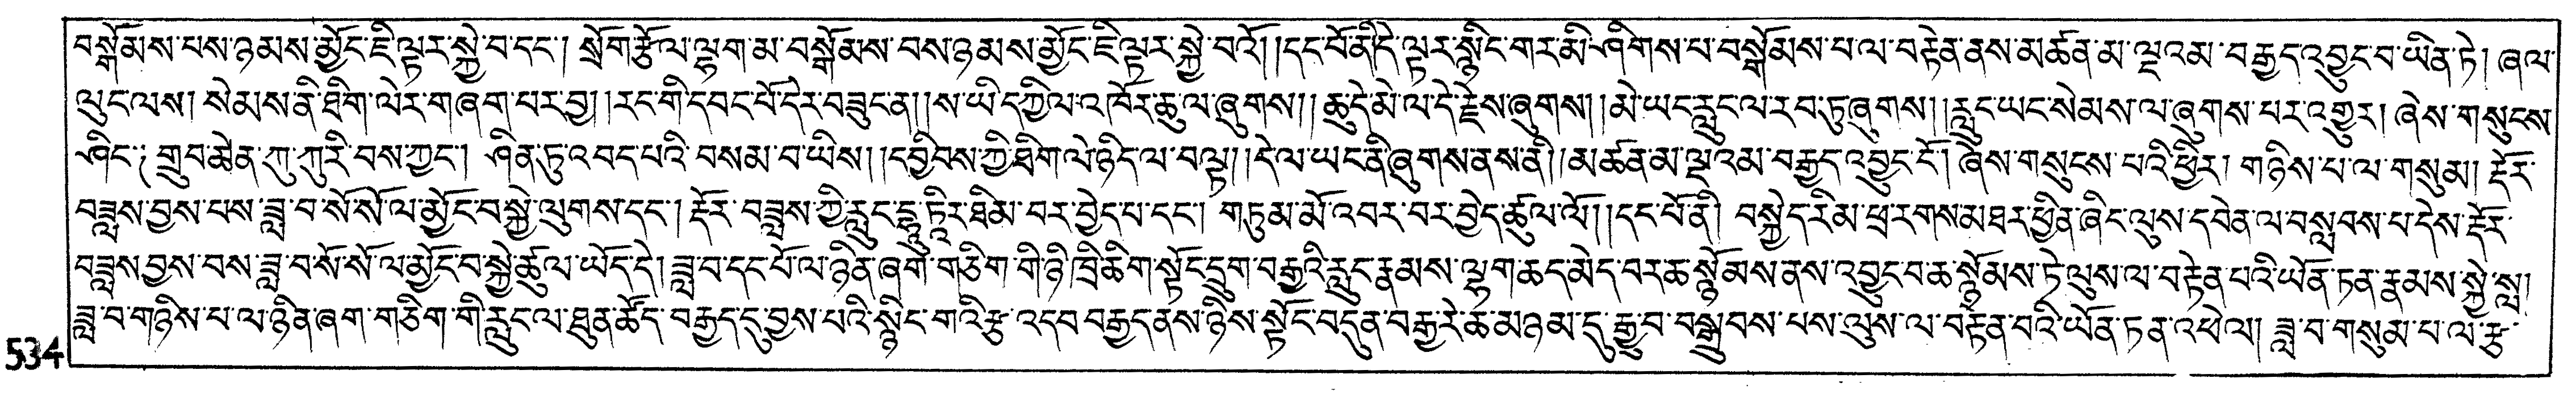བསྒོམས་པས་ཉམས་མྱོང་ཇི་ལྟར་སྐྱེ་བ་དང་། སྲོག་རྩོལ་ལྷག་མ་བསྒོམས་བས་ཉམས་མྱོང་ཇི་ལྟར་སྐྱེ་བའོ། །དང་པོ་ནི། དེ་ལྟར་སྙིང་གར་མི་ཤིགས་པ་བསྒོམས་པ་ལ་བརྟེན་ནས་མཚན་མ་ལྔའམ་བརྒྱད་འབྱུང་བ་ཡིན་ཏེ། ཞལ་
ལུང་ལས། སེམས་ནི་ཐིག་ལེར་གཞག་པར་བྱ། །རང་གི་དབང་པོ་དེར་བཟུང་ན། །ས་ཡི་དཀྱིལ་འཁོར་ཆུ་ལ་ཞུགས། །ཆུ་དེ་མེ་ལ་དེ་རྗེས་ཞུགས། །མེ་ཡང་རླུང་ལ་རབ་ཏུ་ཞུགས། །རླུང་ཡང་སེམས་ལ་ཞུགས་པར་འགྱུར། ཞེས་གསུངས་
ཤིང༑ གྲུབ་ཆེན་ཀུ་ཀུ་རི་བས་ཀྱང་། ཤིན་ཏུ་འབད་པའི་བསམ་པ་ཡིས། །དབྱིབས་ཀྱི་ཐིག་ལེ་ཉིད་ལ་བལྟ། །དེ་ལ་ཡང་ནི་ཞུགས་ནས་ནི། །མཚན་མ་ལྔའམ་བརྒྱད་འབྱུང་ངོ། ཞེས་གསུངས་པའི་ཕྱིར། གཉིས་པ་ལ་གསུམ། རྡོར་
བཟླས་བྱས་པས་ཟླ་བ་སོ་སོ་ལ་མྱོང་བ་སྐྱེ་ལུགས་དང་། རྡོར་བཟླས་ཀྱི་རླུང་དྷཱུ་ཏཱིར་ཐིམ་པར་བྱེད་པ་དང་། གཏུམ་མོ་འབར་བར་བྱེད་ཚུལ་ལོ། །དང་པོ་ནི། བསྐྱེད་རིམ་ཕྲ་རགས་མཐར་ཕྱིན་ཞིང་ལུས་དབེན་ལ་བསླབས་པ་དེས་རྡོར་
བཟླས་བྱས་པས་ཟླ་བ་སོ་སོ་ལ་མྱོང་བ་སྐྱེ་ཚུལ་ཡོད་དེ། ཟླ་བ་དང་པོ་ལ་ཉིན་ཞག་གཅིག་གི་ཉི་ཁྲི་ཆིག་སྟོང་དྲུག་བརྒྱའི་རླུང་རྣམས་ལྷག་ཆད་མེད་པར་ཆ་སྙོམས་ནས་འབྱུང་བ་ཆ་སྙོམས་ཏེ་ལུས་ལ་བརྟེན་པའི་ཡོན་ཏན་རྣམས་སྐྱེ་སླ།
ཟླ་བ་གཉིས་པ་ལ་ཉིན་ཞག་གཅིག་གི་རླུང་ལ་ཐུན་ཚོད་བརྒྱད་དུ་བྱས་པའི་སྙིང་གའི་རྩ་འདབ་བརྒྱད་ནས་ཉིས་སྟོང་བདུན་བརྒྱ་རེ་ཆ་མཉམ་དུ་རྒྱུ་བ་བསྒྲུབས་པས་ལུས་ལ་བརྟེན་པའི་ཡོན་ཏན་འཕེལ། ཟླ་བ་གསུམ་པ་ལ་རྩ་